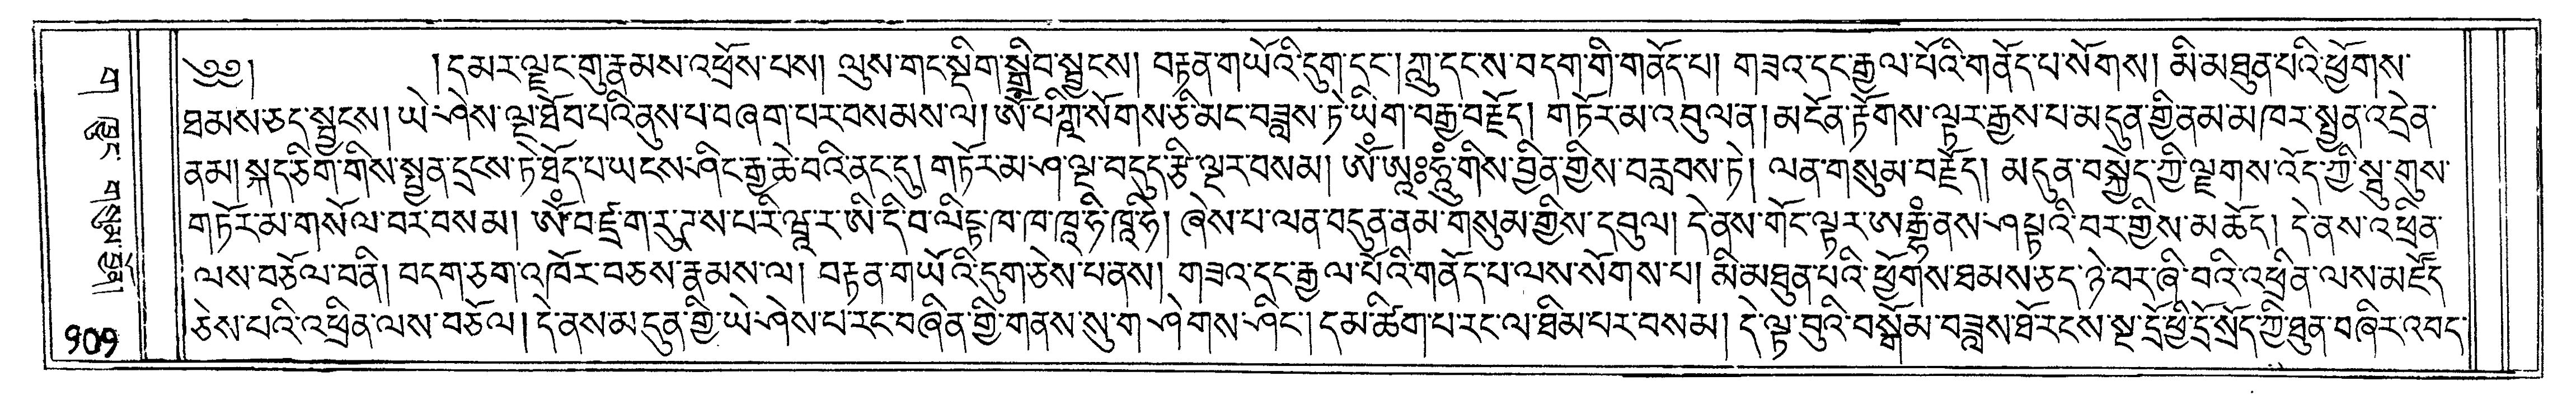༄༅། །དམར་ལྗང་གུ་རྣམས་འཕྲོས་པས། ལུས་གང་སྡིག་སྒྲིབ་སྦྱངས། བརྟན་གཡོའི་དུག་དང་། ཀླུ་དང་ས་བདག་གི་གནོད་པ། གཟའ་དང་རྒྱལ་པོའི་གནོད་པ་སོགས། མི་མཐུན་པའི་ཕྱོགས་
ཐམས་ཅད་སྦྱངས། ཡེ་ཤེས་ལྔ་ཐོབ་པའི་ནུས་པ་བཞག་པར་བསམས་ལ། ཨོཾ་པཀྵི་སོགས་ཅི་མང་བཟླས་ཏེ་ཡིག་བརྒྱ་བརྗོད། གཏོར་མ་འབུལ་ན། མངོན་རྟོགས་ལྟར་རྒྱས་པ་མདུན་གྱི་ནམ་མཁར་སྤྱན་འདྲེན་
ནམ། སྐད་ཅིག་གིས་སྤྱན་དྲངས་ཏེ་ཐོད་པ་ཡངས་ཤིང་རྒྱ་ཆེ་བའི་ནང་དུ། གཏོར་མ་ཤ་ལྔ་བདུད་རྩི་ལྔར་བསམ། ཨོཾ་ཨཱཿ ཧཱུཾ་གིས་བྱིན་གྱིས་བརླབས་ཏེ། ལན་གསུམ་བརྗོད། མདུན་བསྐྱེད་ཀྱི་ལྗགས་འོད་ཀྱི་སྦུ་གུས་
གཏོར་མ་གསོལ་བར་བསམ། ཨོཾ་བཛྲ་ག་རུ་ཊ་ས་པ་རི་ཝཱ་ར་ཨི་དི་བ་ལིངྟ་ཁ་ཁ་ཁཱ་ཧི་ཁཱ་ཧི། ཞེས་པ་ལན་བདུན་ནམ་གསུམ་གྱིས་དབུལ། དེ་ནས་གོང་ལྟར་ཨརྒྷཾ་ནས་ཤཔྟའི་བར་གྱིས་མཆོད། དེ་ནས་འཕྲིན་
ལས་བཅོལ་བ་ནི། བདག་ཅག་འཁོར་བཅས་རྣམས་ལ། བརྟན་གཡོའི་དུག་ཅེས་པ་ནས། གཟའ་དང་རྒྱལ་པོའི་གནོད་པ་ལས་སོགས་པ། མི་མཐུན་པའི་ཕྱོགས་ཐམས་ཅད་ཉེ་བར་ཞི་བའི་འཕྲིན་ལས་མཛོད་
ཅེས་པའི་འཕྲིན་ལས་བཅོལ། དེ་ནས་མདུན་གྱི་ཡེ་ཤེས་པ་རང་བཞིན་གྱི་གནས་སུ་གཤེགས་ཤིང་། དམ་ཚིག་པ་རང་ལ་ཐིམ་པར་བསམ། དེ་ལྟ་བུའི་བསྒོམ་བཟླས་ཐོ་རངས་སྔ་དྲོ་ཕྱི་དྲོ་སྲོད་ཀྱི་ཐུན་བཞིར་འབད་